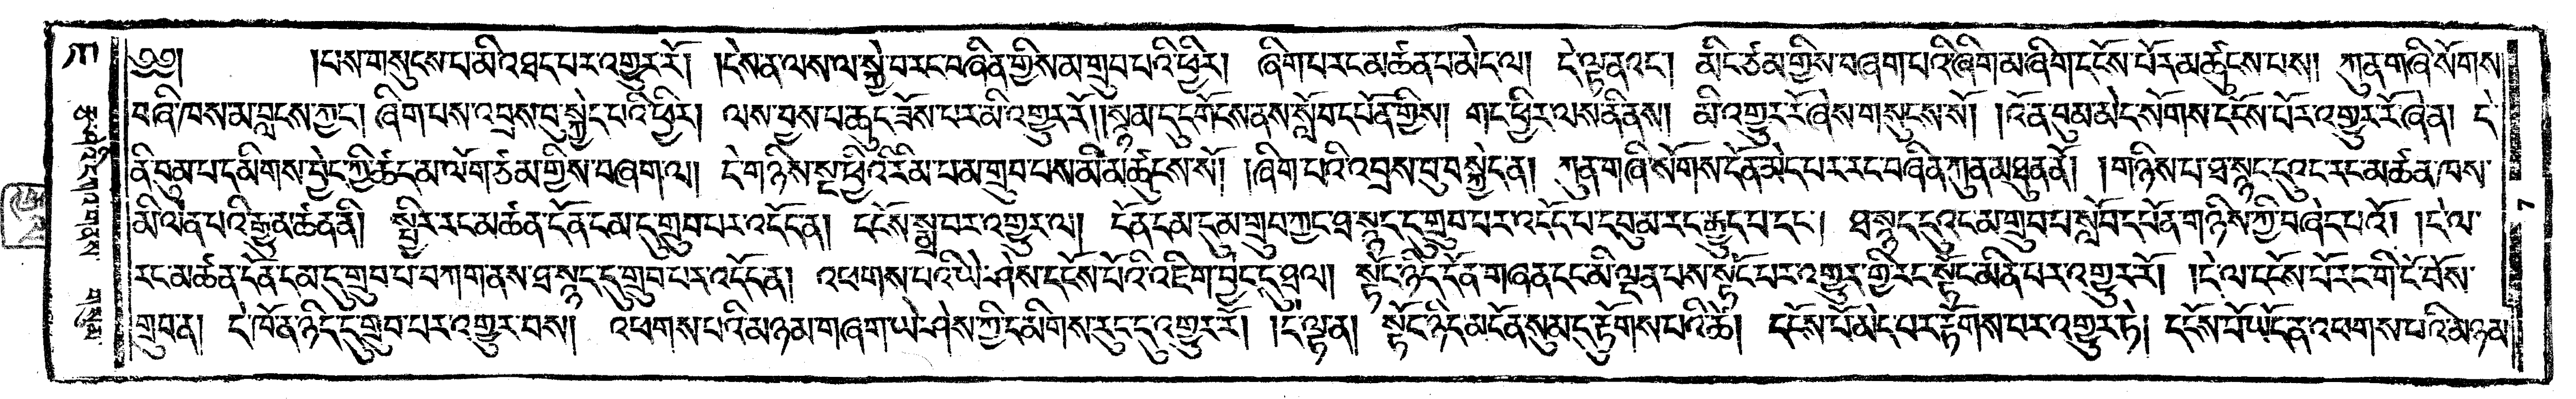༄༅། །པས་གསུངས་པ་མི་འཐད་པར་འགྱུར་རོ། །ངེས་ན་ལས་ལ་སྐྱེ་བ་རང་བཞིན་གྱིས་མ་གྲུབ་པའི་ཕྱིར། ཞིག་པ་རང་མཚན་པ་མེད་ལ། དེ་ལྟ་ནའང་། མིང་ཙམ་གྱིས་བཞག་པའི་ཞིག་མ་ཞིག་དངོས་པོར་མཚུངས་པས། ཀུན་གཞི་སོགས་
བཞི་ཁས་མ་བླངས་ཀྱང་། ཞིག་པས་འབྲས་བུ་སྐྱེད་པའི་ཕྱིར། ལས་བྱས་པ་ཆུད་ཟོས་པར་མི་འགྱུར་རོ། །སྙམ་དུ་དགོངས་ནས་སློབ་དཔོན་གྱིས། གང་ཕྱིར་ལས་ནི་ནས། མི་འགྱུར་རོ་ཞེས་གསུངས་སོ། །འོ་ན་བུམ་མེད་སོགས་དངོས་པོར་འགྱུར་རོ་ཞེ་ན། དེ་
ནི་བུམ་པ་དམིགས་བྱེད་ཀྱི་ཚད་མ་ལོག་ཙམ་གྱིས་བཞག་ལ། དེ་གཉིས་སྔ་ཕྱིའི་རིམ་པ་མ་གྲུབ་པས་མི་མཚུངས་སོ། །ཞིག་པའི་འབྲས་བུ་བསྐྱེད་ན། ཀུན་གཞི་སོགས་དོན་མེད་པར་རང་བཞིན་ཀུན་མཐུན་ནོ། །གཉིས་པ་ཐ་སྙད་དུའང་རང་མཚན་ཁས་
མི་ལེན་པའི་རྒྱུ་མཚན་ནི། སྤྱིར་རང་མཚན་དོན་དམ་དུ་གྲུབ་པར་འདོད་ན། དངོས་སྨྲ་བར་འགྱུར་ལ། དོན་དམ་དུ་མ་གྲུབ་ཀྱང་ཐ་སྙད་དུ་གྲུབ་པར་འདོད་པ་དབུ་མ་རང་རྒྱུད་པ་དང་། ཐ་སྙད་དུའང་མ་གྲུབ་པ་སློབ་དཔོན་གཉིས་ཀྱི་བཞེད་པའོ། །དེ་ལ་
རང་མཚན་དོན་དམ་དུ་གྲུབ་པ་བཀག་ནས་ཐ་སྙད་དུ་གྲུབ་པར་འདོད་ན། འཕགས་པའི་ཡེ་ཤེས་དངོས་པོའི་འཇིག་བྱེད་དུ་ཐལ། སྟོང་ཉིད་དོན་གཞན་དང་མི་ལྡན་པས་སྟོང་པར་འགྱུར་གྱི་རང་སྟོང་མིན་པར་འགྱུར་རོ། །དེ་ལ་དངོས་པོ་རང་གི་ངོ་བོས་
གྲུབ་ན། དེ་ཁོ་ན་ཉིད་དུ་གྲུབ་པར་འགྱུར་བས། འཕགས་པའི་མཉམ་གཞག་ཡེ་ཤེས་ཀྱི་དམིགས་རུང་དུ་འགྱུར་རོ། །དེ་ལྟ་ན། སྟོང་ཉིད་མངོན་སུམ་དུ་རྟོགས་པའི་ཚེ། དངོས་པོ་མེད་པར་རྟོགས་པར་འགྱུར་ཏེ། དངོས་པོ་ཡོད་ན་འཕགས་པའི་མཉམ་